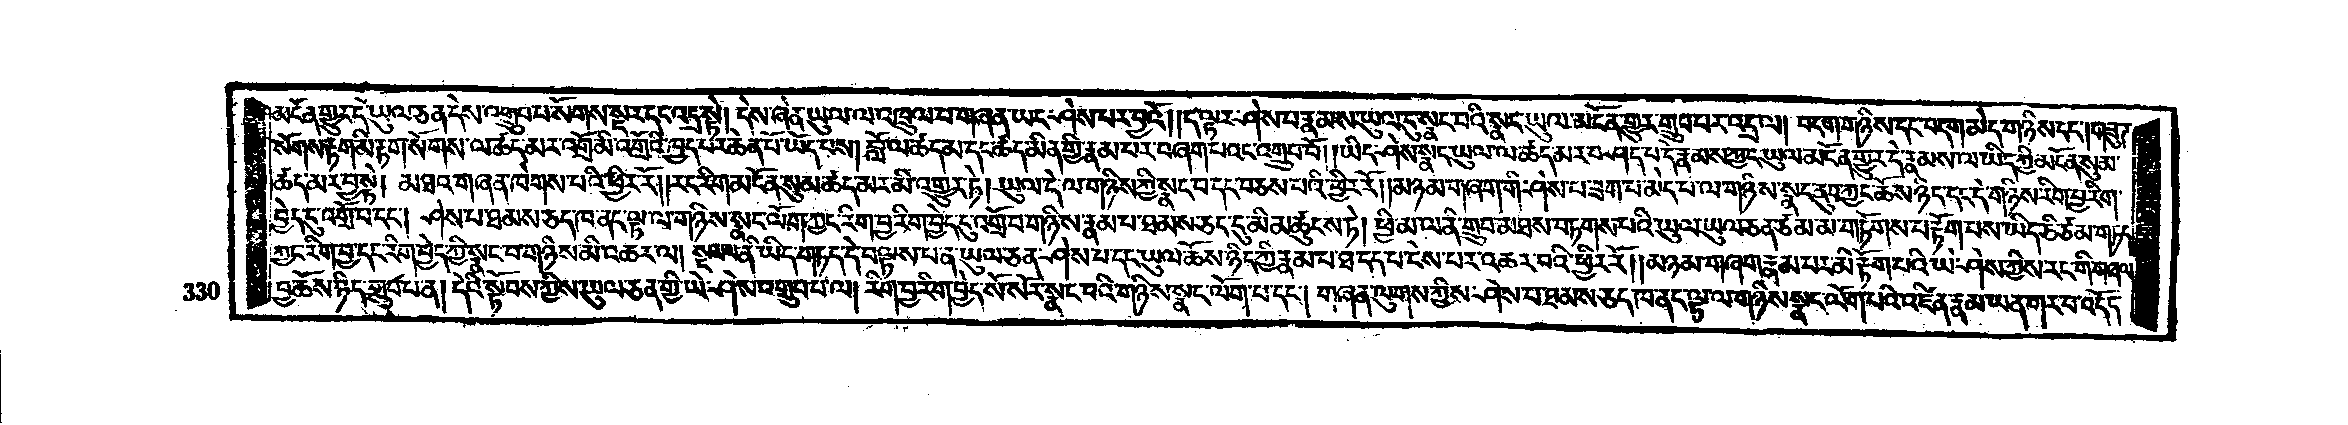མངོན་གྱུར་དེ་ཡུལ་ཅན་དེས་འགྲུབ་པ་སོགས་སྔར་དང་འདྲ་སྟེ། དེས་ཞེན་ཡུལ་ལ་འཁྲུལ་པ་གཞན་ཡང་ཤེས་པར་བྱའོ། །དེ་ལྟར་ཤེས་པ་རྣམས་ཡུལ་དུ་སྣང་བའི་སྣང་ཡུལ་མངོན་གྱུར་གྲུབ་པར་འདྲ་ལ། བདག་གཉིས་དང་བདག་མེད་གཉིས་དང་། གཟུགས་
སོགས་རྟག་མི་རྟག་སོགས་ལ་ཚད་མར་འགྲོ་མི་འགྲོའི་ཁྱད་པར་ཆེན་པོ་ཡོད་པས། བློ་ལ་ཚད་མ་དང་ཚད་མིན་གྱི་རྣམ་པར་བཞག་པའང་འགྲུབ་བོ། །ཡིད་ཤེས་སྣང་ཡུལ་ལ་ཚད་མར་བཤད་པ་དེ་རྣམས་ཀྱང་ཡུལ་མངོན་གྱུར་དེ་རྣམས་ལ་ཡིད་ཀྱི་མངོན་སུམ་
ཚད་མར་བྱ་སྟེ། མཐའ་གཞན་ཁེགས་པའི་ཕྱིར་རོ། །རང་རིག་མངོན་སུམ་ཚད་མར་མི་འགྱུར་ཏེ། ཡུལ་དེ་ལ་གཉིས་ཀྱི་སྣང་བ་དང་བཅས་པའི་ཕྱིར་རོ། །མཉམ་གཞག་གི་ཤེས་པ་ཟག་པ་མེད་པ་ལ་གཉིས་སྣང་ནུབ་ཀྱང་ཆོས་ཉིད་དང་དེ་གཉིས་རིག་བྱ་རིག་
བྱེད་དུ་འགྲོ་བ་དང་། ཤེས་པ་ཐམས་ཅད་ཁ་ནང་ལྟ་ལ་གཉིས་སྣང་ལོག་ཀྱང་རིག་བྱ་རིག་བྱེད་དུ་འགྲོ་བ་གཉིས་རྣམ་པ་ཐམས་ཅད་དུ་མི་མཚུངས་ཏེ། ཕྱི་མ་ལ་ནི་གྲུབ་མཐས་བཏགས་པའི་ཡུལ་ཡུལ་ཅན་ཙམ་མ་གཏོགས་པ་རྟོག་པས་ཡིད་ཅི་ཙམ་གཏད་
ཀྱང་རིག་བྱ་དང་རིག་བྱེད་ཀྱི་སྣང་བ་གཉིས་མི་འཆར་ལ། སྔ་མ་ལ་ནི་ཡིད་གཏད་དེ་བལྟས་པ་ན་ཡུལ་ཅན་ཤེས་པ་དང་ཡུལ་ཆོས་ཉིད་ཀྱི་རྣམ་པ་ཐ་དད་པ་ངེས་པར་འཆར་བའི་ཕྱིར་རོ། །མཉམ་གཞག་རྣམ་པར་མི་རྟོག་པའི་ཡེ་ཤེས་ཀྱིས་རང་གི་གཞལ་
བྱ་ཆོས་ཉིད་གྲུབ་པ་ན། དེའི་སྟོབས་ཀྱིས་ཡུལ་ཅན་གྱི་ཡེ་ཤེས་འགྲུབ་པ་ལ། རིག་བྱ་རིག་བྱེད་སོ་སོར་སྣང་བའི་གཉིས་སྣང་ལོག་པ་དང་། གཞན་ལུགས་ཀྱིས་ཤེས་པ་ཐམས་ཅད་ཁ་ནང་ལྟ་ལ་གཉིས་སྣང་ལོག་པའི་འཛིན་རྣམ་ཡན་གར་བ་འདོད་